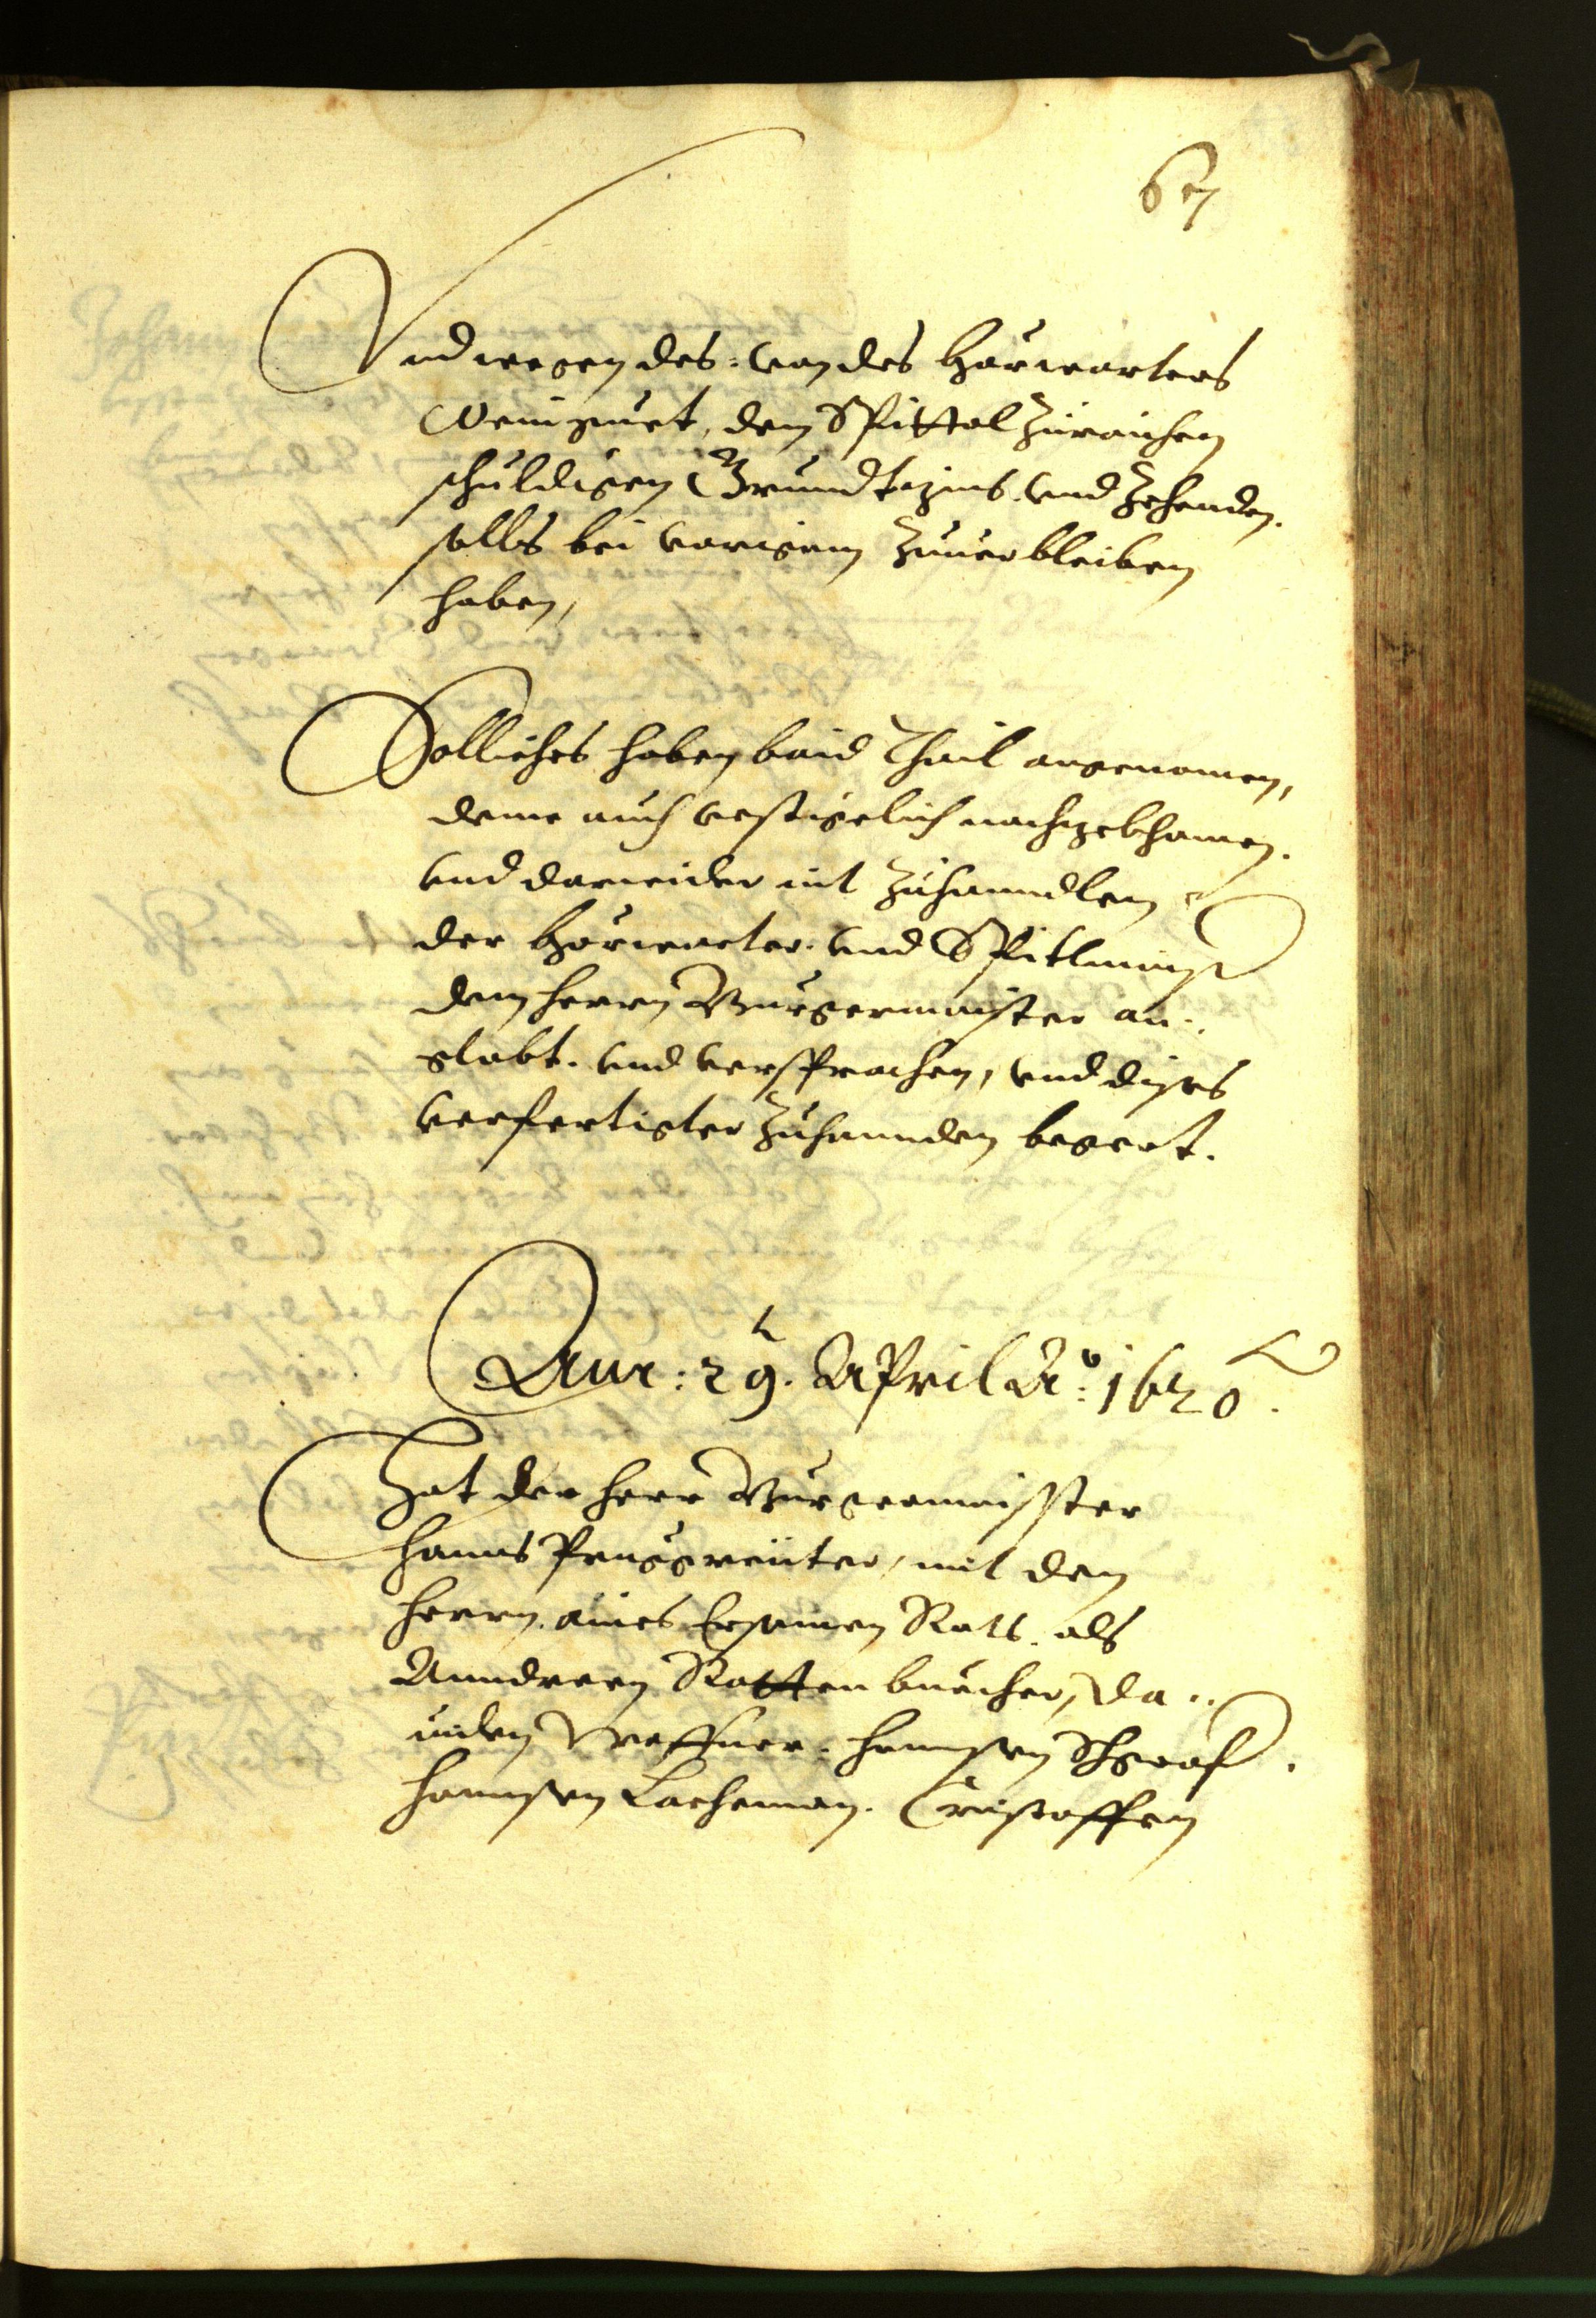67
Vnd wegen des: von des Hōrwarters
Weingūet dem Spittal Zūraichen
schūldigen Grūndtzins. vnd Zehnden
solls bei vorigem Zūūerbleiben
haben,
Solliches haben baid Thail angenomen,
deme aūch vestigelich nachzekhomen.
vnd darwider nit Zūhanndlen
der Hōrwarter. vnd SPitlmaist
den herrn Būrgermaister an¬
globt. vnd versProchen, vnd dises
verfertigter Zūhannden begert.
Am: 29t. APril Ao: 1620t.
Hat der herr Būrgermaisster
hanns Prūggreüter, mit den
herrn aines Ersamen Rats. als
Anndreen Rottenbūecher, Da¬
ūiden Waffner. hannsen Schgraf.
hannsen Locheman. Cristoffen